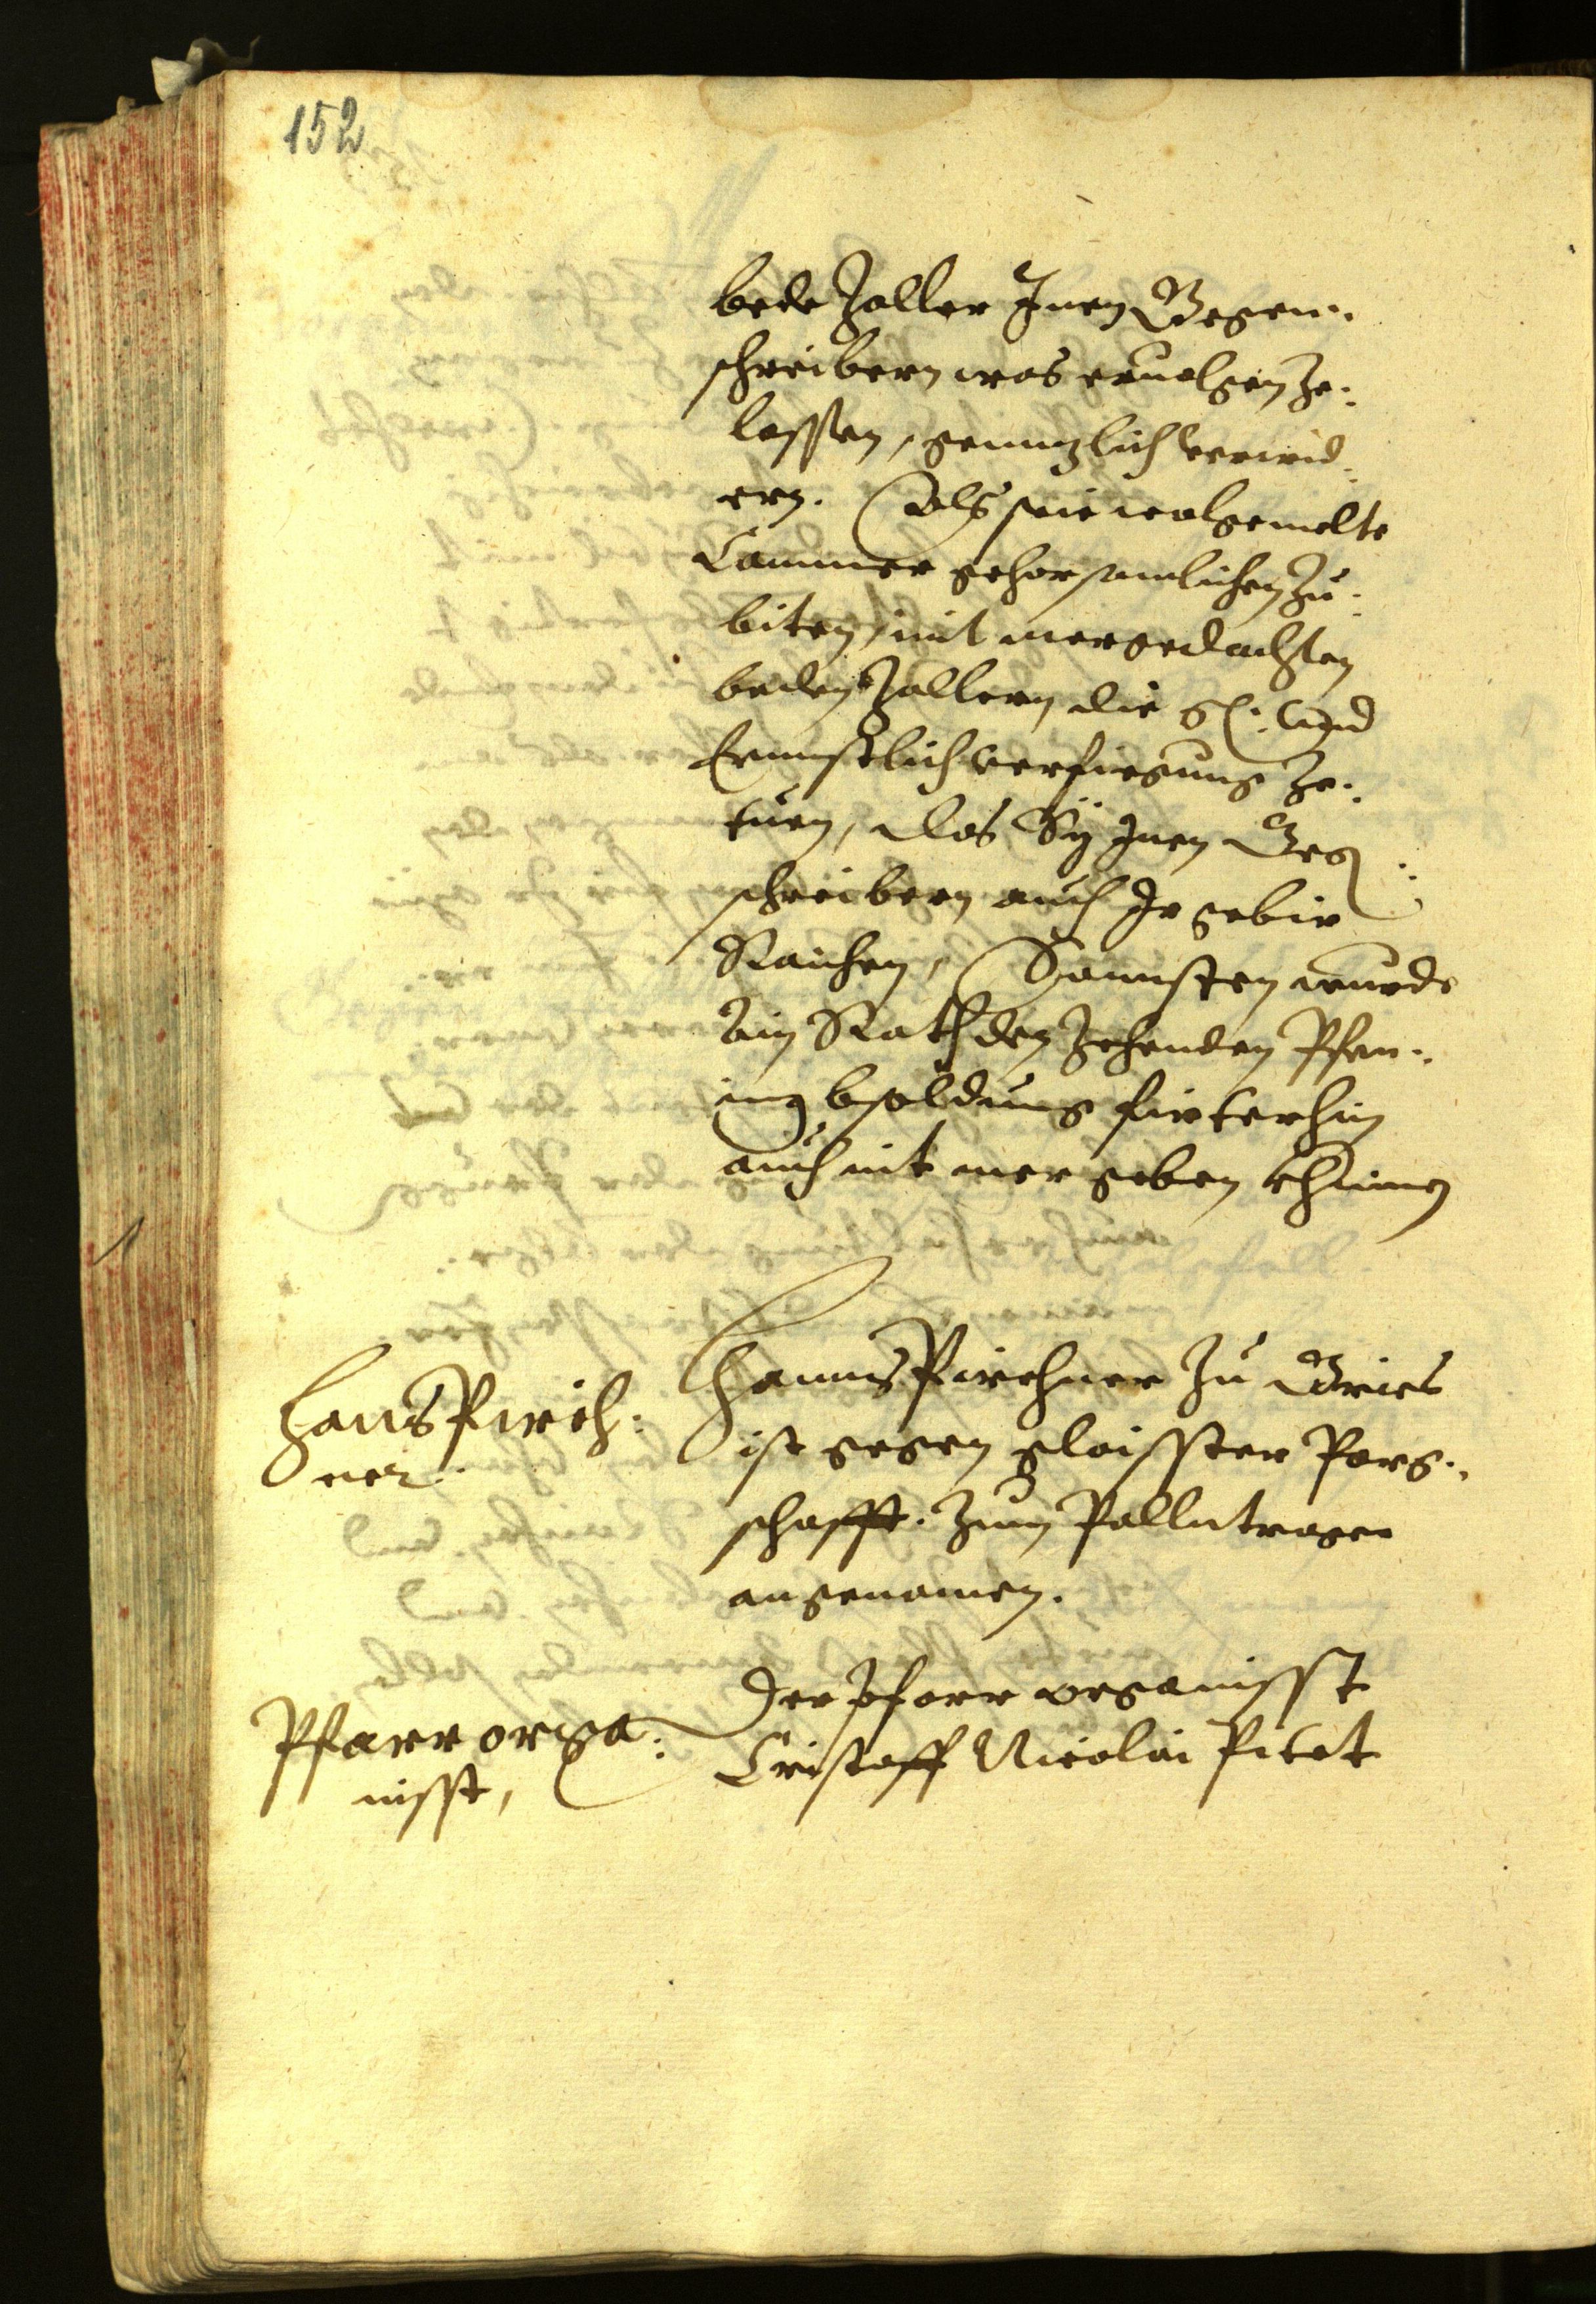152
bede Zoller Inen Gegen¬
schreibern was erūolgen Ze¬
lassen, gennzlich verwid¬
ern. Als sie wolgemelte
Cammer gehorsamlichen Zū¬
biten mit mergedachten
beden Zollern die g: vnd
Ernnstlich verfiegūng Ze¬
tūen, das Sÿ Inen Geg¬
schreibern aūch Ir gebir
Raichen, Sonnsten wūrde
Ain Rath den Zehenden Pfen¬
ing bsoldūng firterhin
aūch nit mer geben khūnen
Hanns Pirchner Zū Gries
ist gegen glaisster Porg¬
schafft. Zūm Pallntrager
angenomen.
Hans Pirch¬
ner.
Der Pfarr Organisst
Cristoff Nicolai Pitet
Pfarrorga¬
nisst,